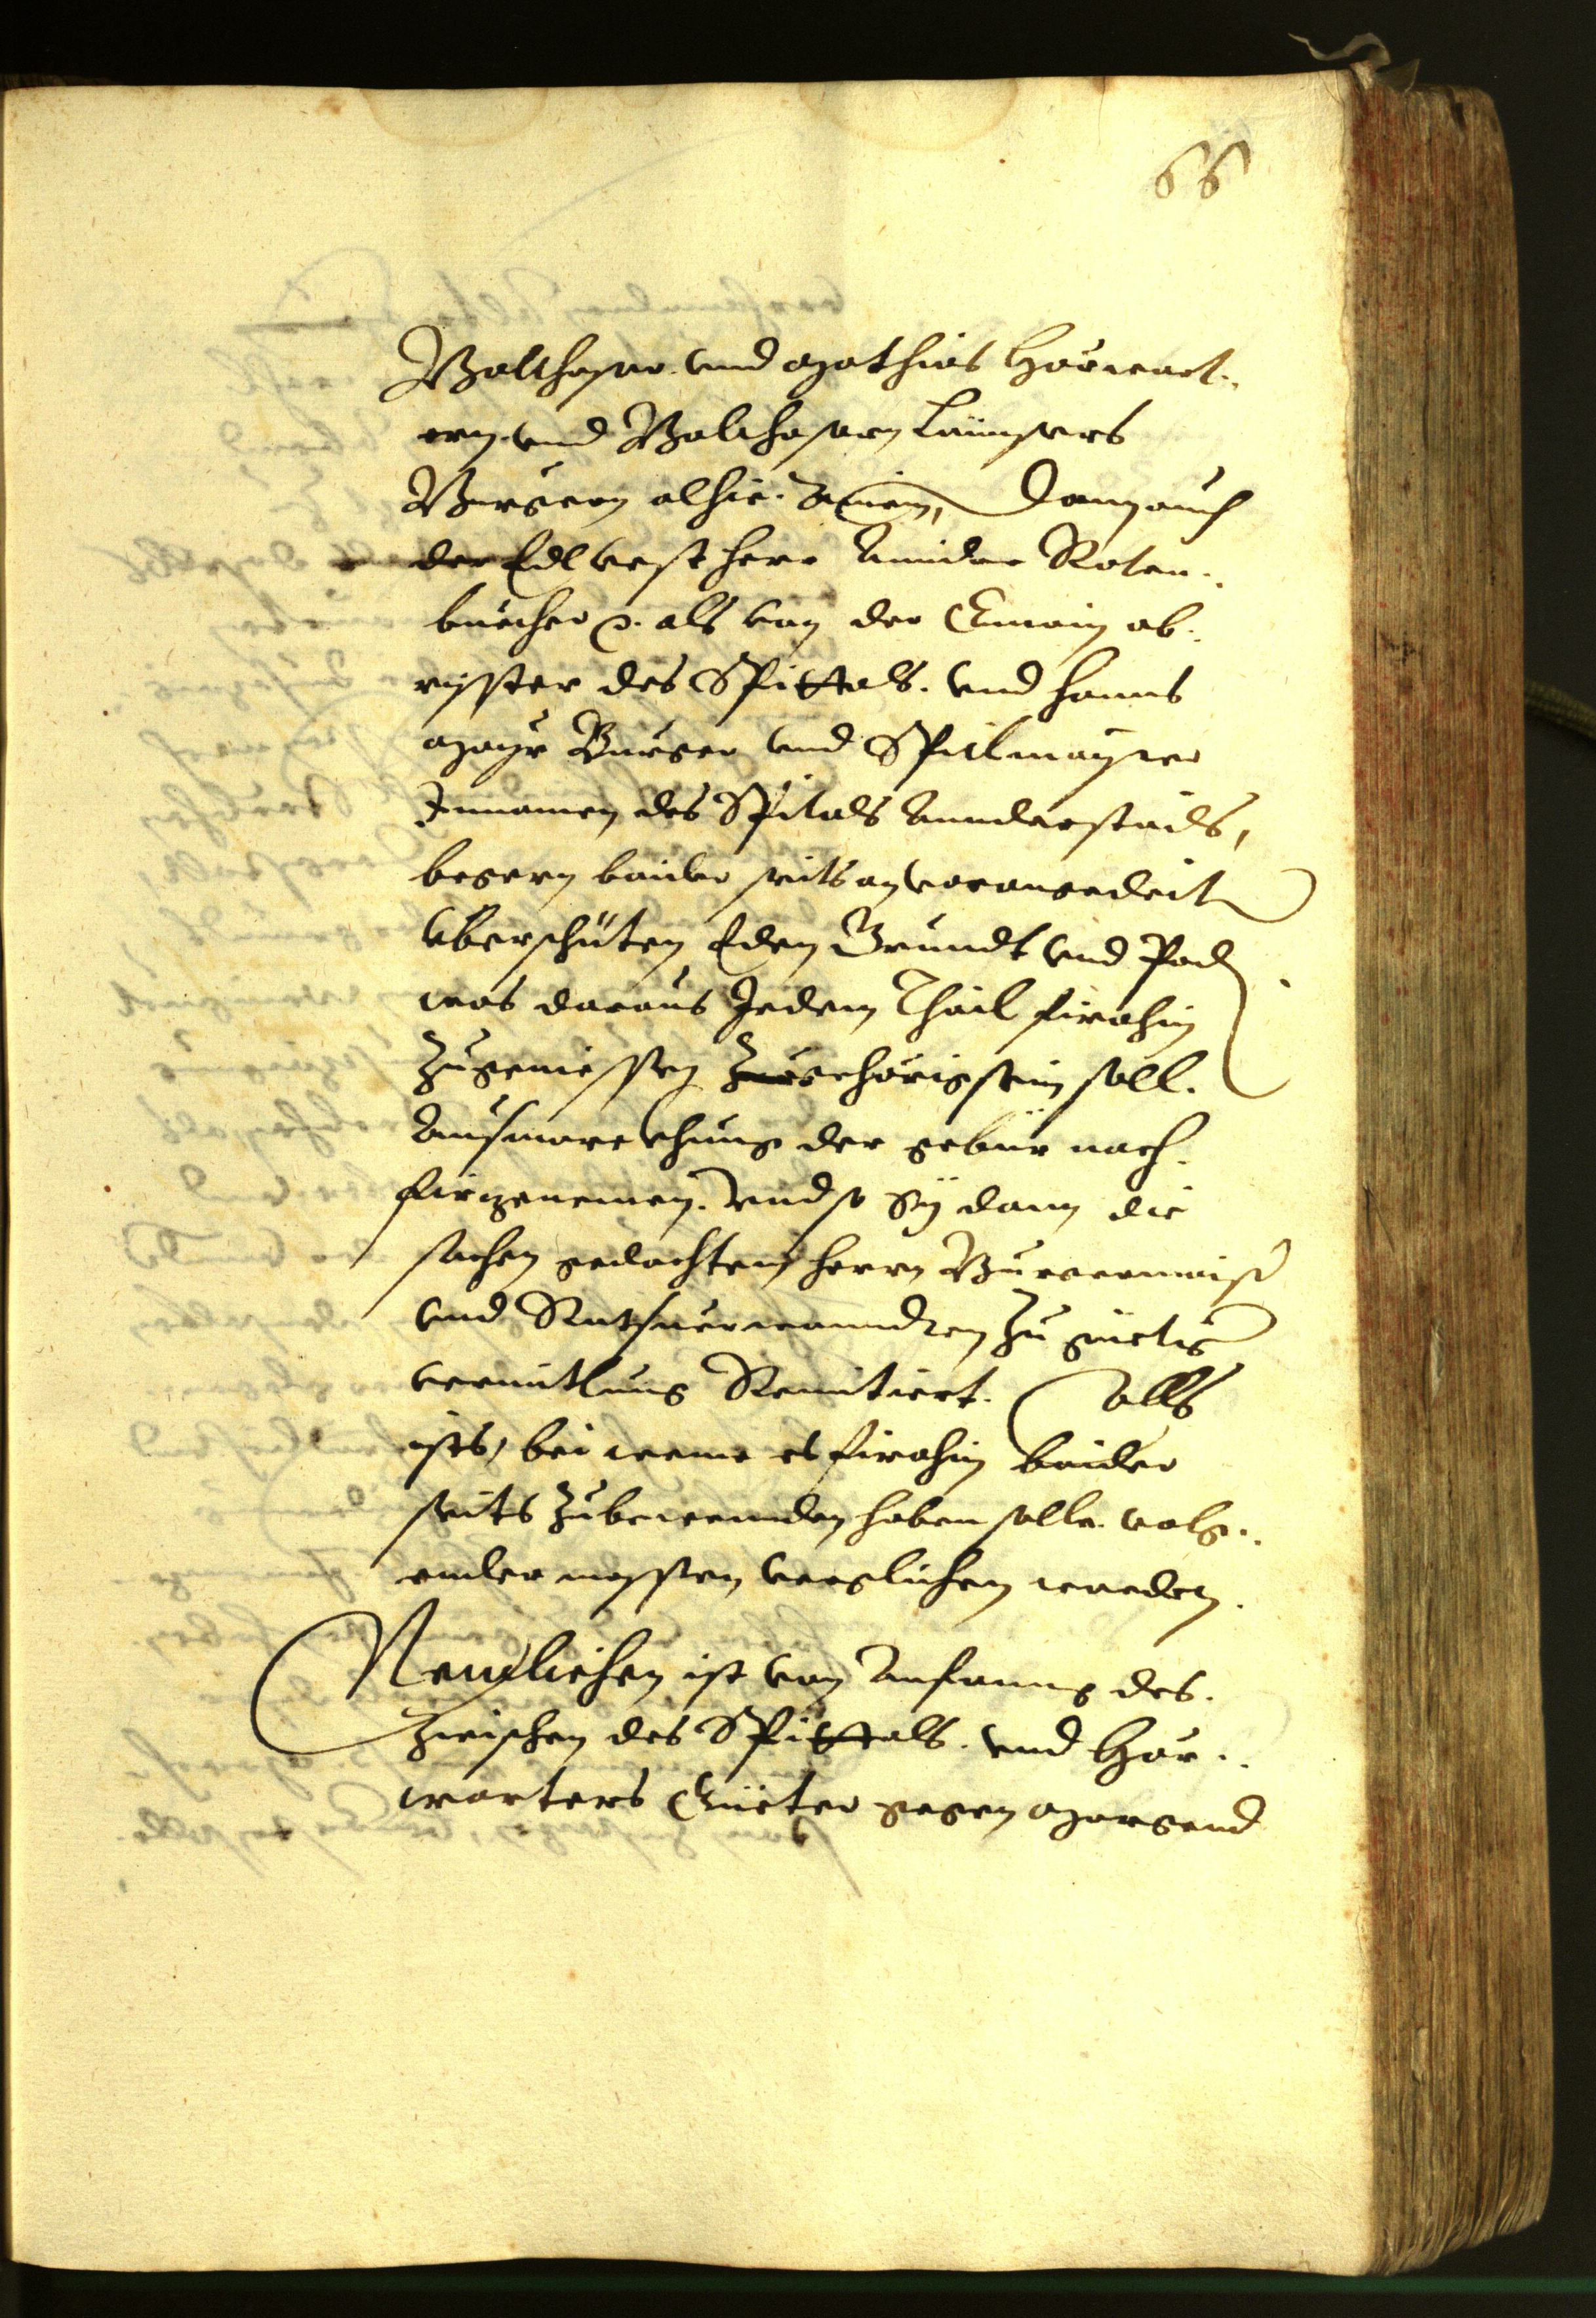66
Balthasar. vnd Mathias Hōrwart¬
ern. vnd Balthasar Lännsers
Būrgern alhie. Ainem, Dann aūch
der Edl vest herr Anndre Roten¬
būecher etc. als von der Gmain ob¬
risster es Spittals. vnd hanns
Maȳr Būrger vnd SPitlmaister
Innamen des Spitals Annderstails,
begern baider seits an vorangedeit
v̄berschüten Eden Grūndt vnd Pod.
was daraūs Jeden Thail firohin
Zūgeniessen Zūe gehörig sein soll.
Aūsmarckhūng der gebür noch
firzenemen. Vnd so Sÿ dann die
sachen gedachten herrn Būrgermaist
vnd Ratsuērwanndten Zū güetig
vermitlūng Remitiert. Alls
ists, bei weme es firohin baider
seits Zū bewenden haben solle. volg¬
ender massen verglichen worden.
Nemblichen ist von Anfanng des.
Zwischen des SPittals. vnd Hōr¬
warters Güeter gegen Morgend